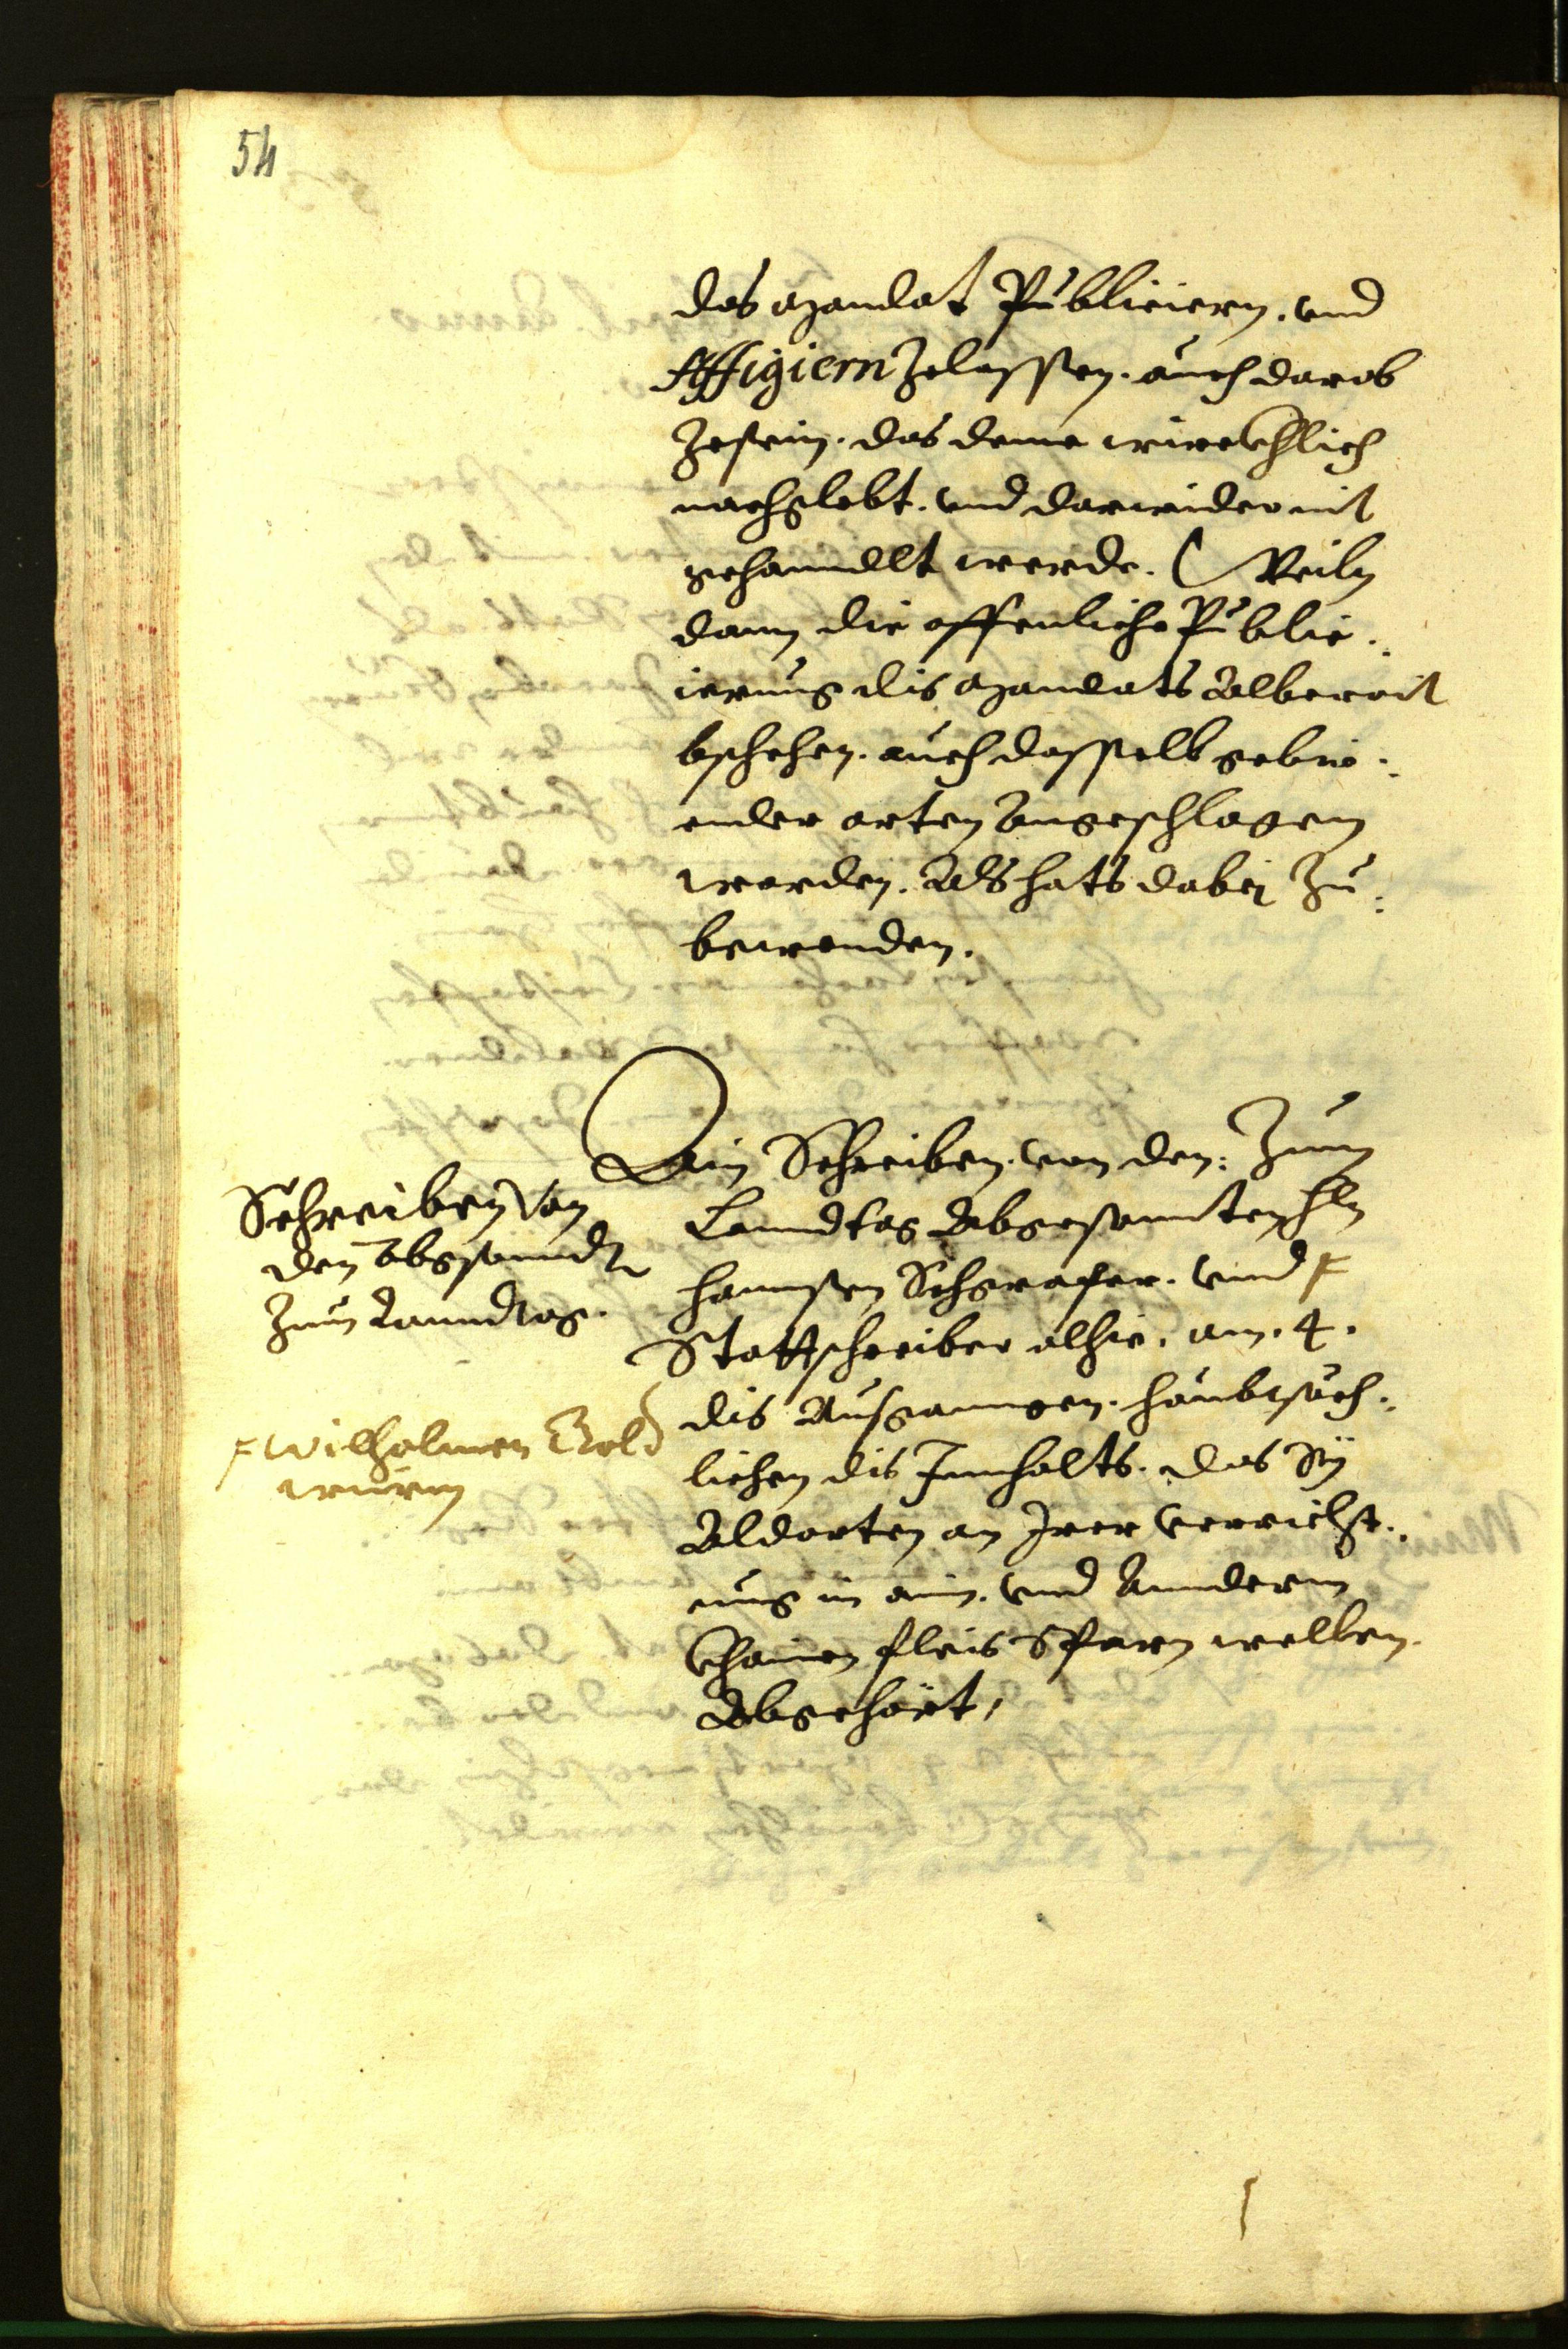54
das Mandat Pūbliciern. vnd
Affigiern Zelassen. aūch darob
Zesein. das deme wircklich
nachglebt. vnd darwider nit
gehanndlt werde. Weiln
dann die offenliche Pūblic¬
ierūng dis Mandats Alberait
beschehen. aūch dasselb gebir¬
ennder orten Angeschlagen
werden. Als hats dabej Zū¬
bewenden.
Ain Schreiben. von den: Zūm
Lanndtag Abgesanndten hln
hannsen Schgrafer. vnd
Stattschreiber alhie. am .4.
dis Aūsganngen. haūbtsach¬
lichen dis Innhalts. das Sÿ
Aldorten an Irer verricht¬
ūng in ainen. vnd Annderm
khainen fleis Sparn wellen.
Abgehört,
Schreiben Von
den Abgsanndt
Zūm Lanndtag.
Wilhalmen Gold¬
wurm